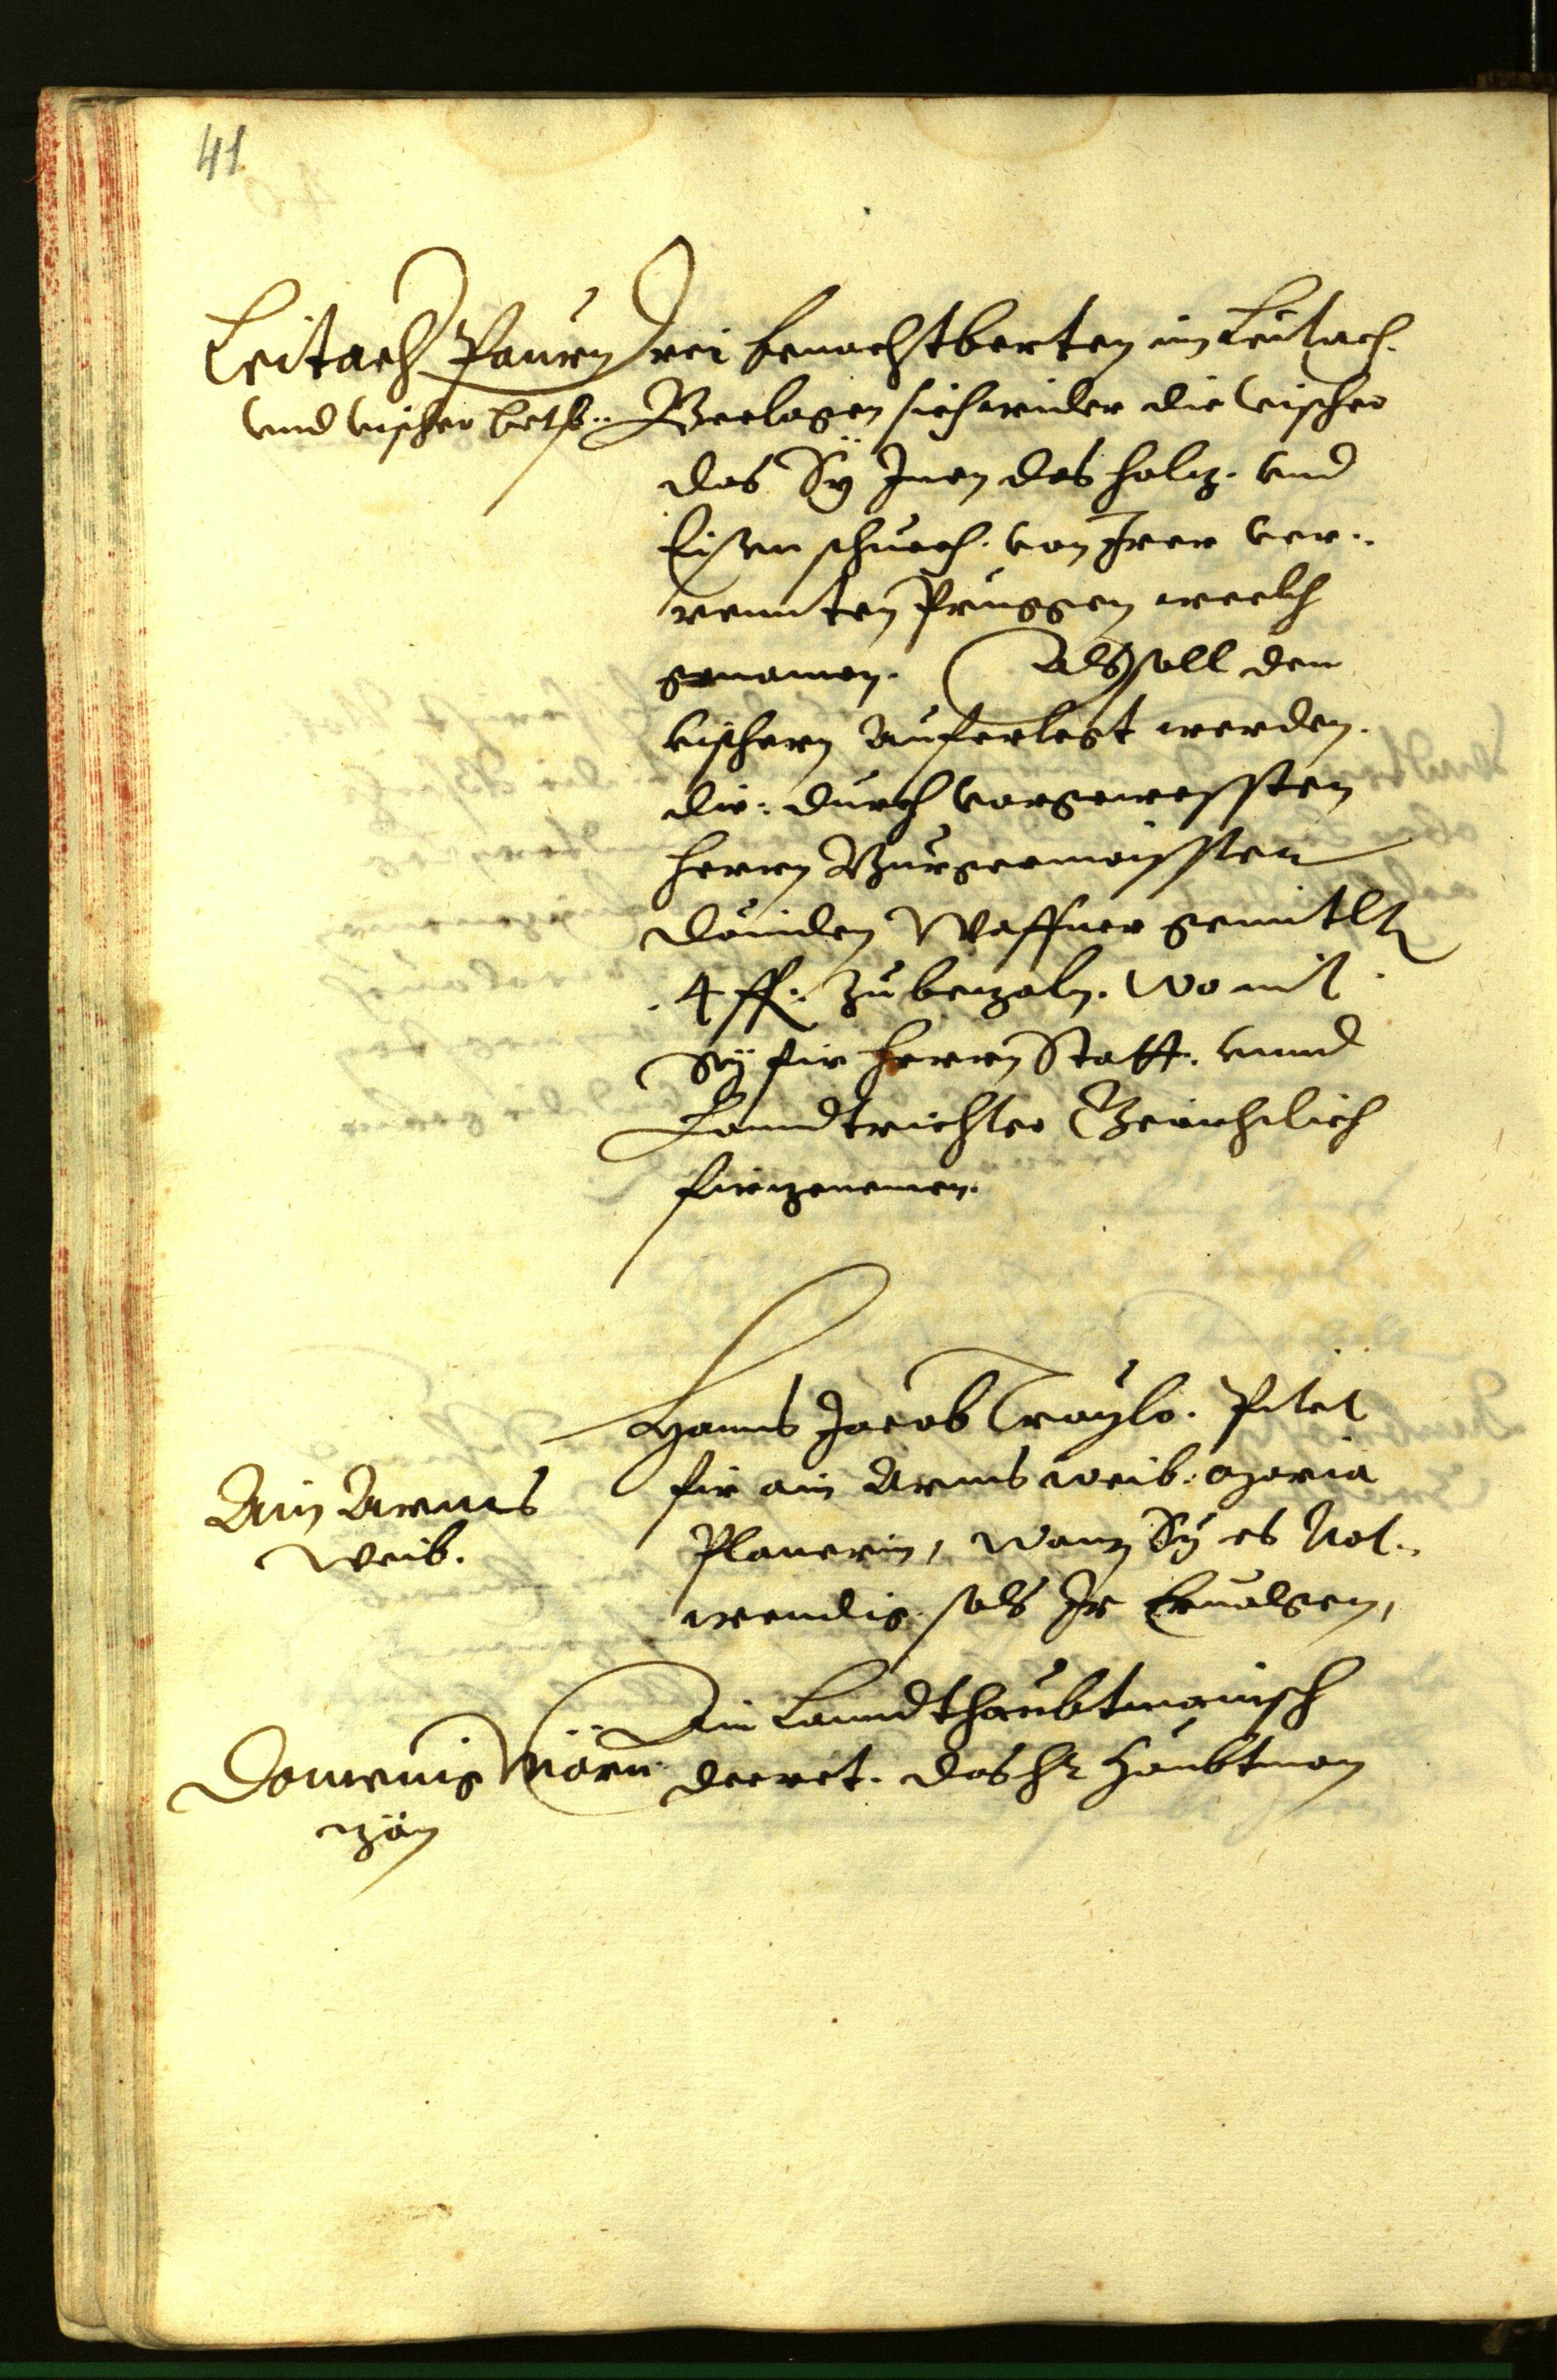41
Leitach Paūrn
vnd vischer bet:
Drei benachtberten im Leitach.
Beclagen sich wider die vischer
Das Sÿ Inen das holz. vnd
Eisen schūech. von Iren ver¬
rennten Prūggen weckh
genomen. Als soll den
vischern Aūferlegt werden.
die: dūrch vorgewessten
herrn Būrgermaisster
Dāuiden Waffner gemitlt
.4 fl. Zū bezaln. Wo nit
Sÿ fir herrn Statt: vnnd
Lanndtrichter Gerichtlich
firzenenem.
Hanns Jacob Traȳlo. Pitet
fir ain Armes Weib: Maria
Plauerin, wann Sȳ es Not¬
wendig. sols Ir Eruōlgen.
Ain Armes
Weib.
Ain Lanndthaūbtmanisch
decret. das hl Haūbtman
Domenig Wörn¬
zän